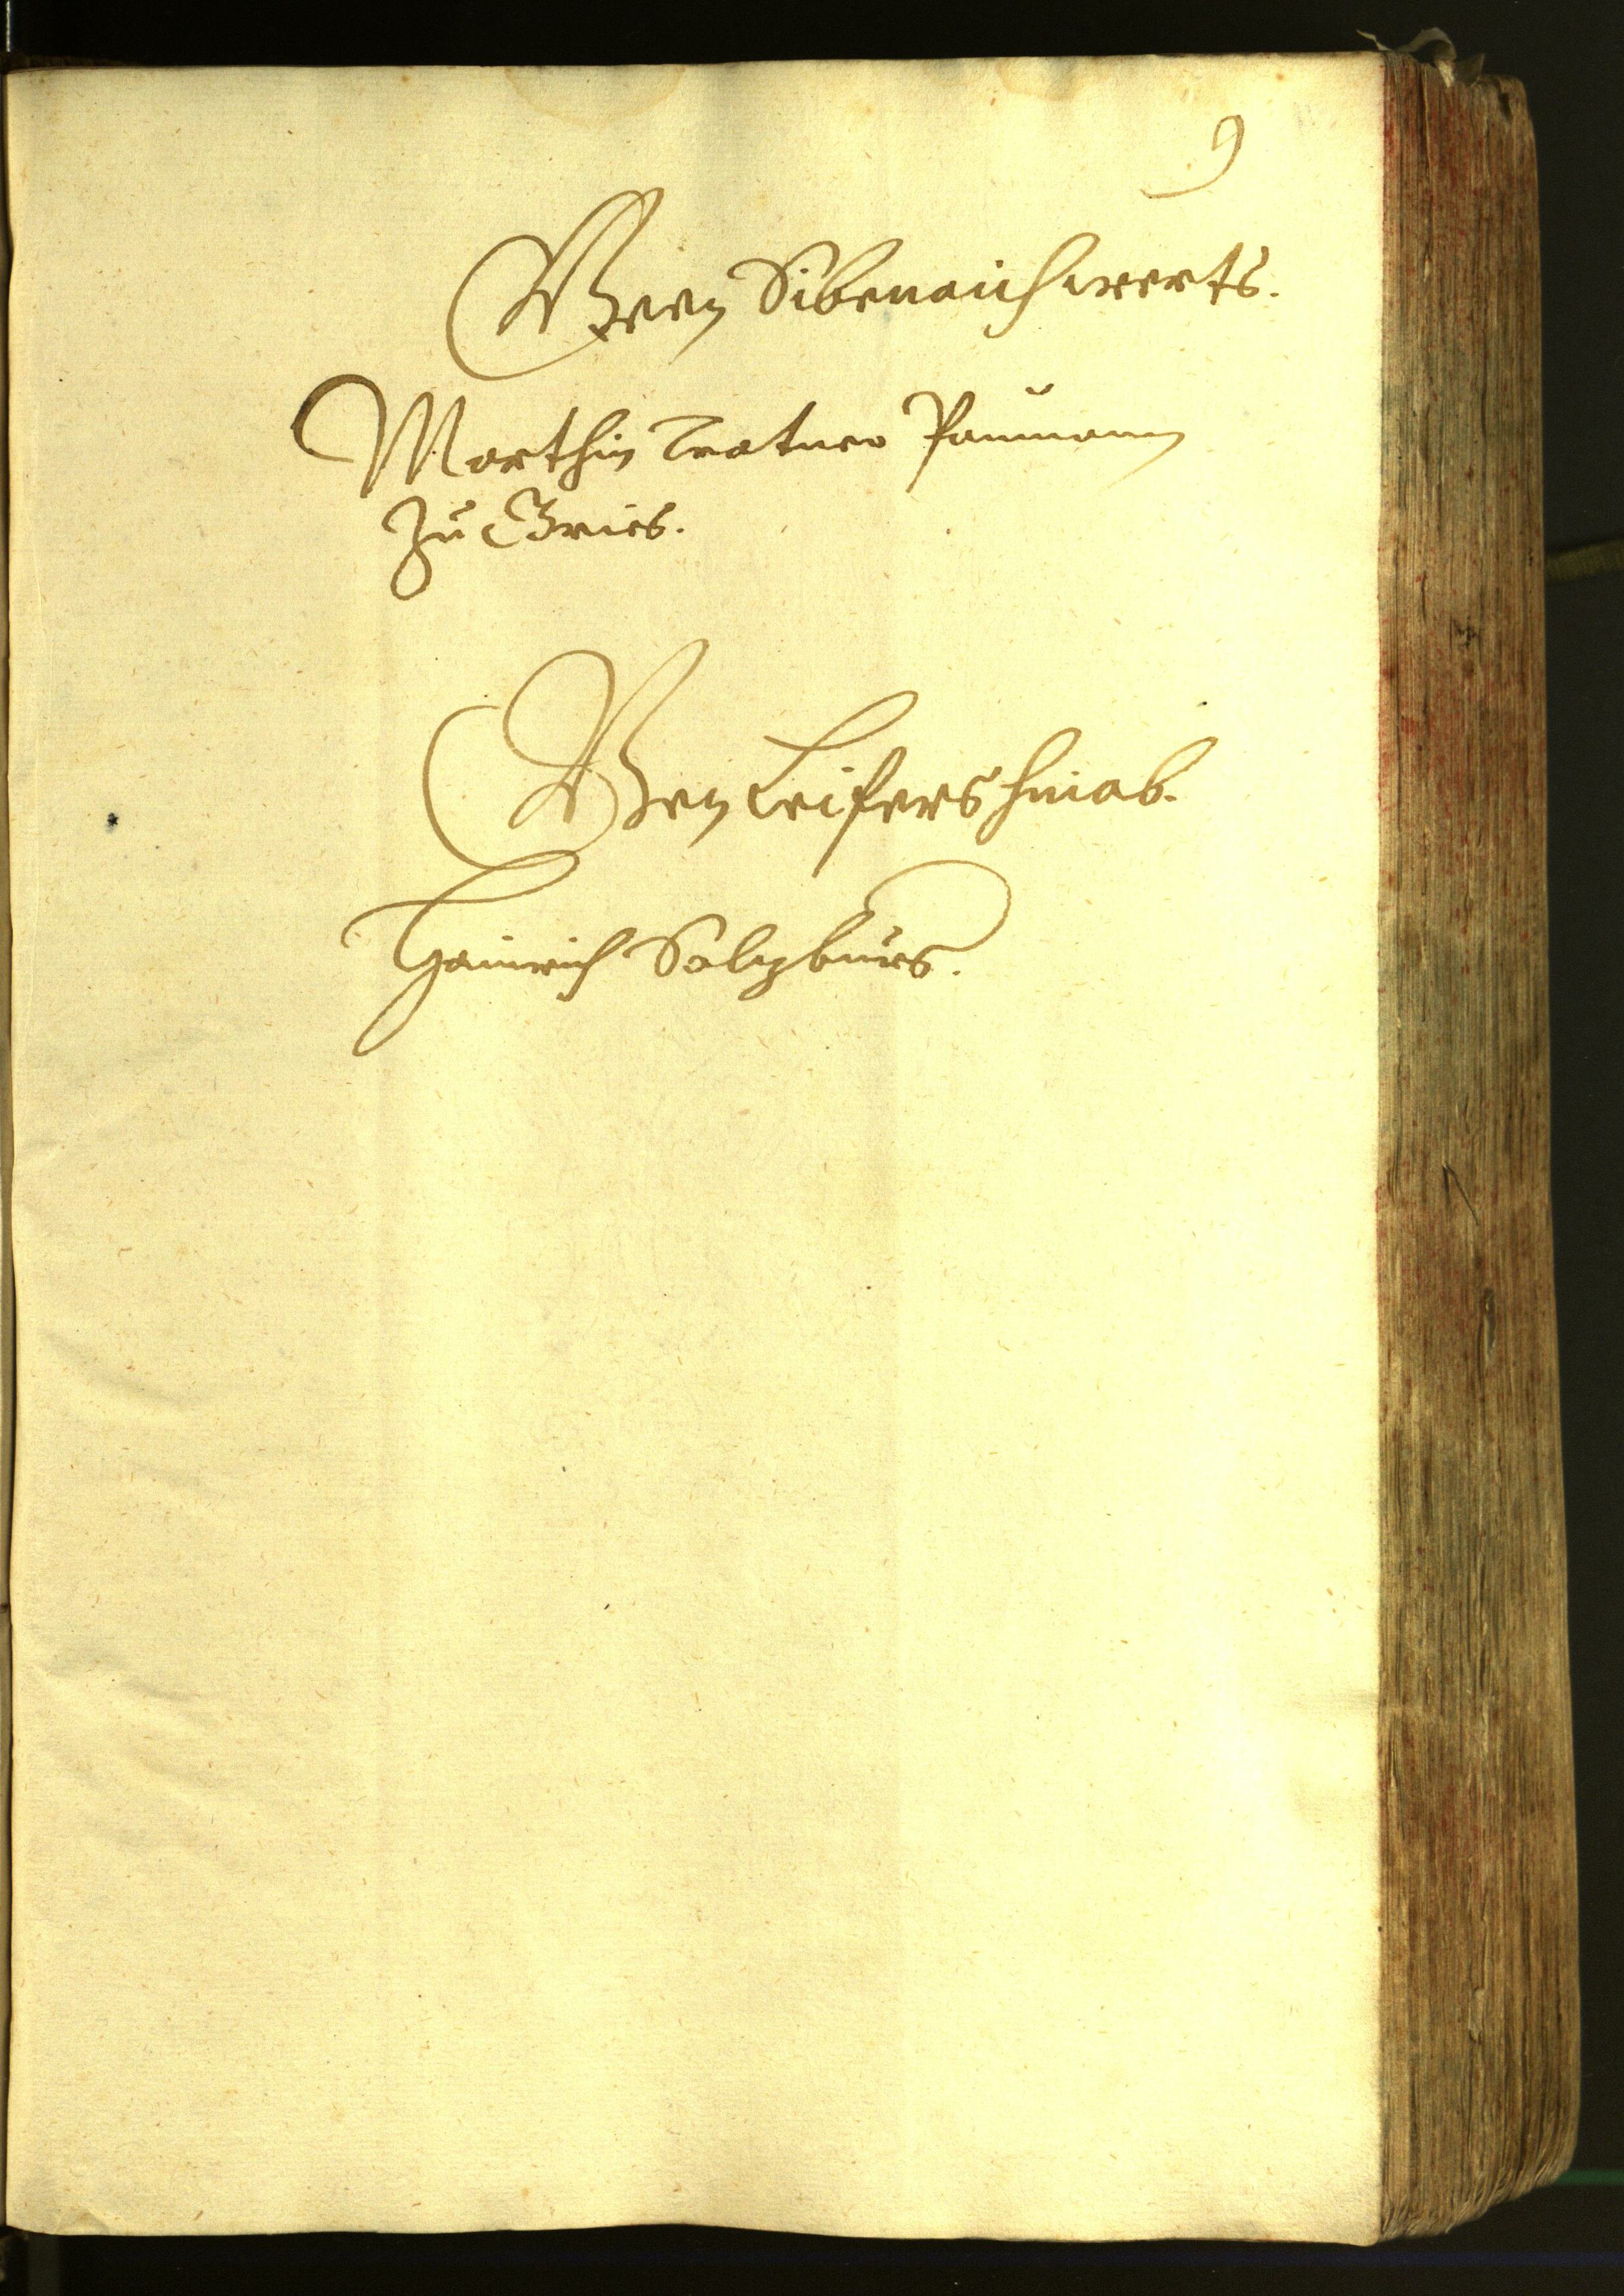9
Geen Sibenaich werts.
Marthin Tratner Paūmann
Zū Gries.
Gen Leifers hinab.
Hainrich Salzbūrg.